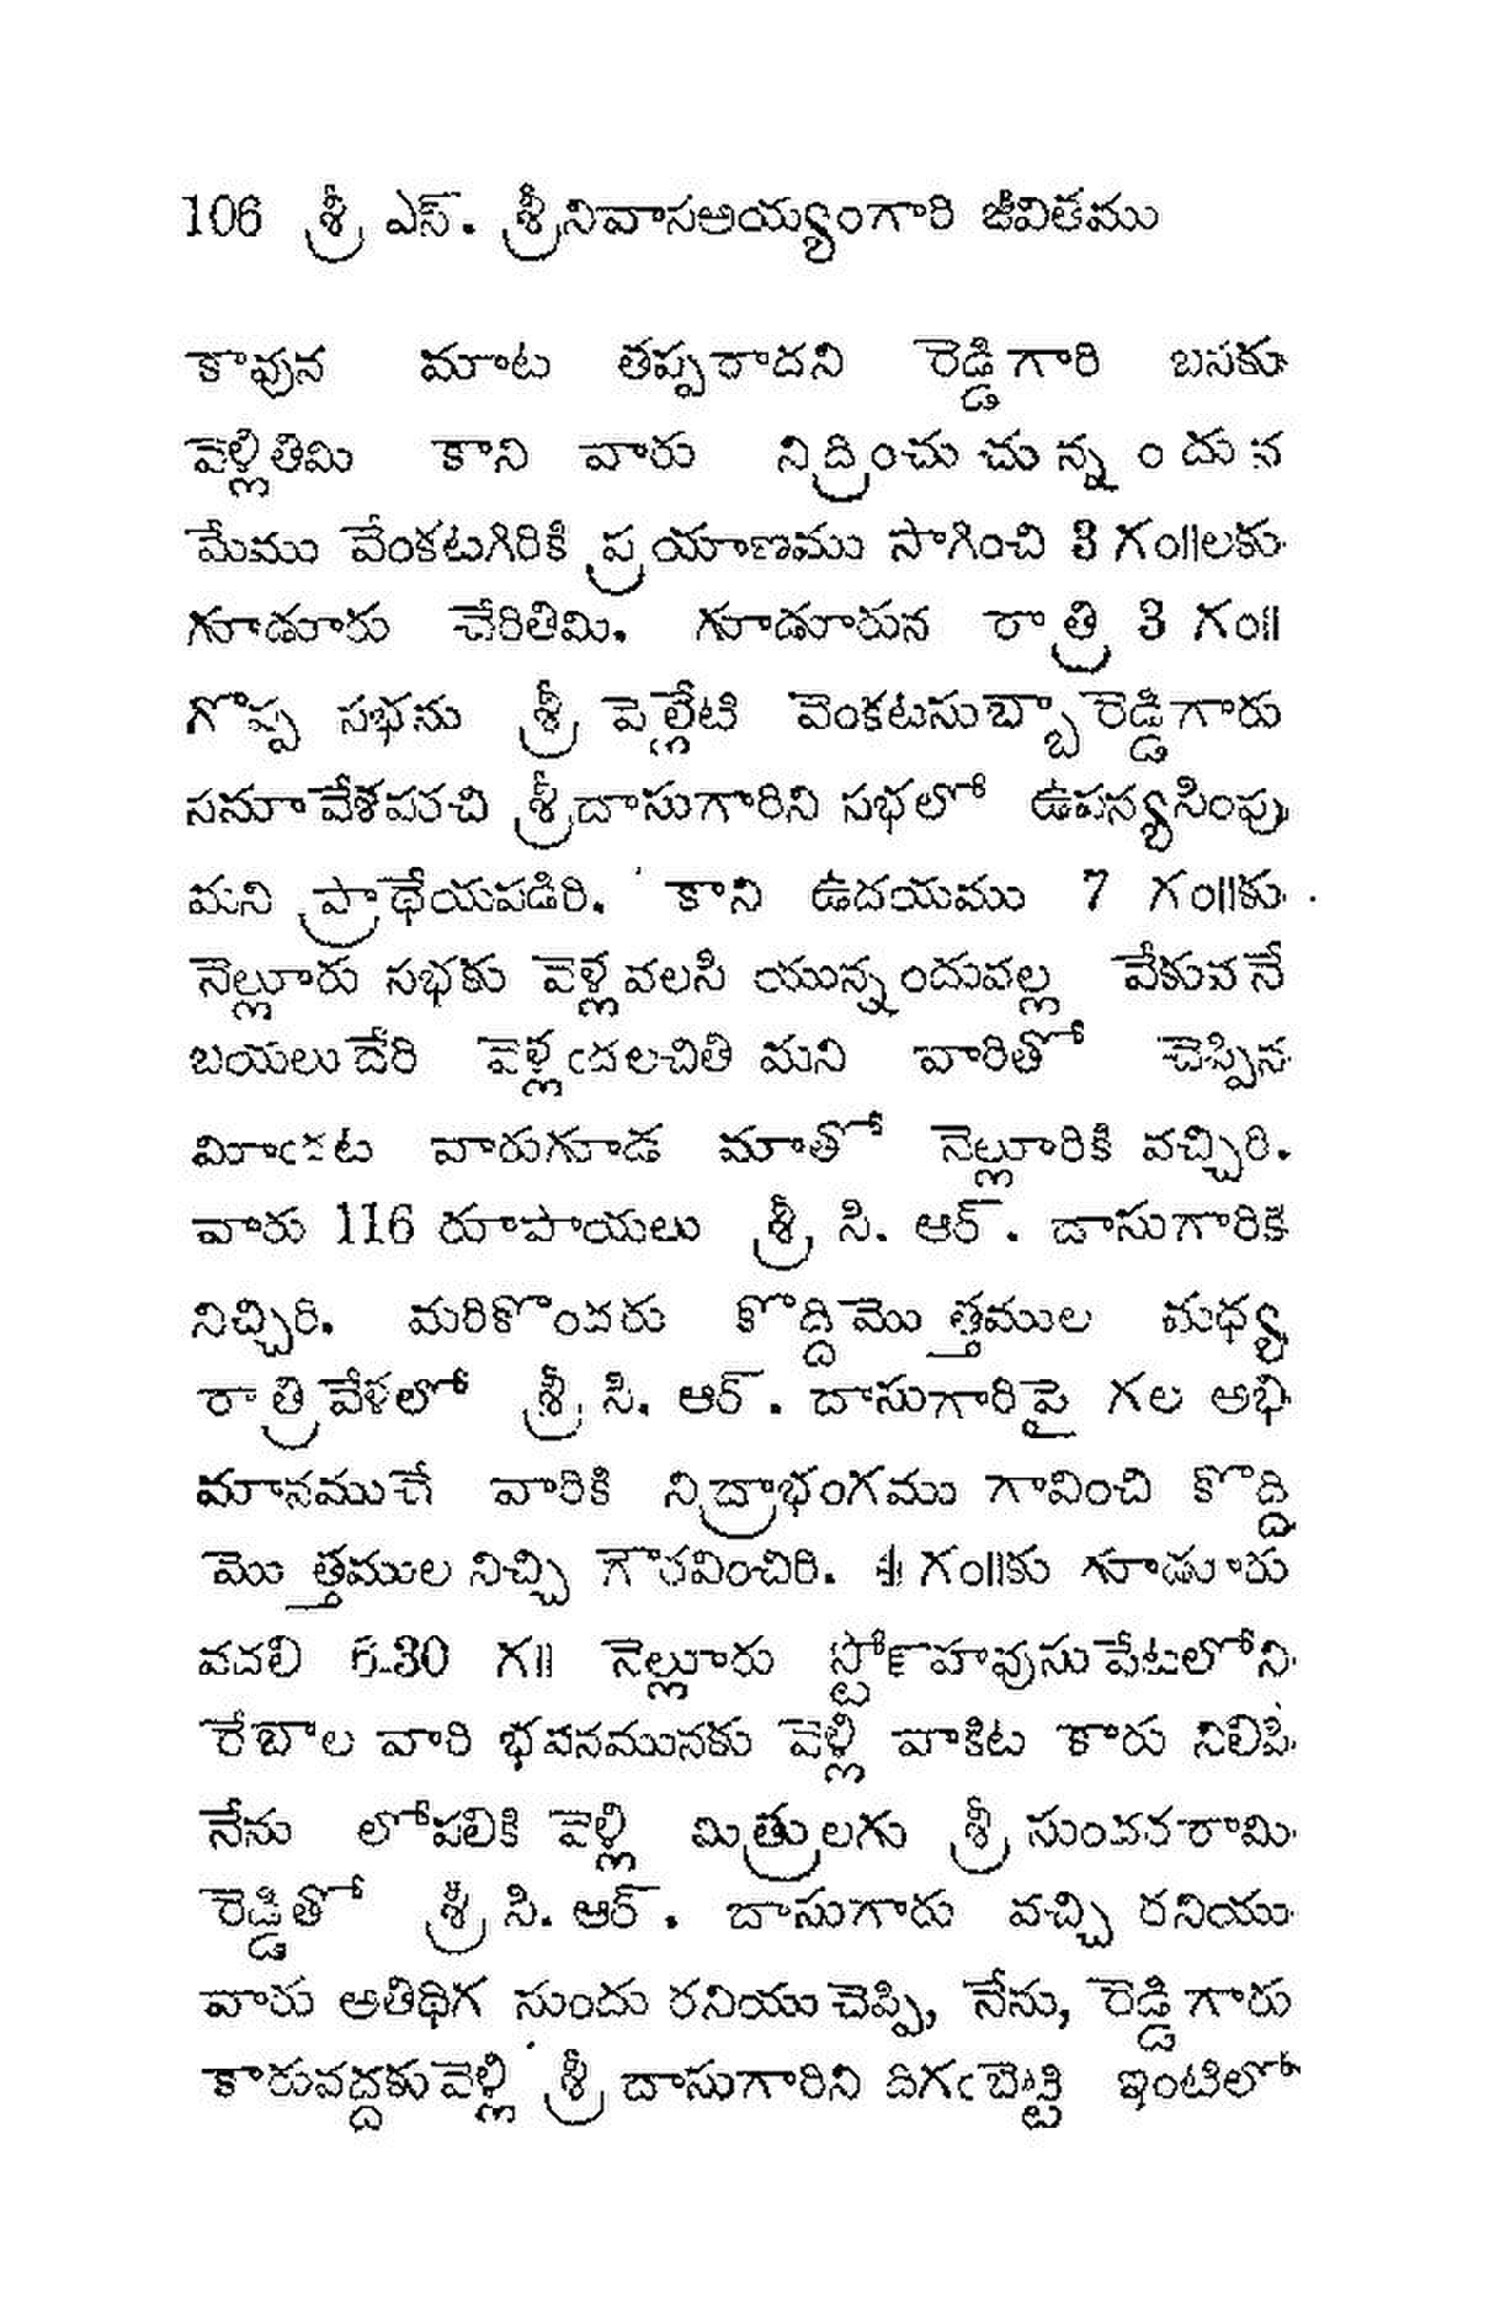కావున మాట తప్పరాదని రెడ్డిగారి బసకు వెళ్లితిమి. కాని వారు నిద్రించుచున్నందున
మేము వేంకటగిరికి ప్రయాణము సాగించి 3 గం||లకు గూడూరు చేరితిమి. గూడూరున రాత్రి 3 గం!! గొప్ప సభను శ్రీ పెల్లేటి వెంకటసుబ్బారెడ్డిగారు సమావేశపరచి శ్రీదాసుగారిని సభలో ఉపన్యసింపుమని ప్రాధేయపడిరి. కాని ఉదయము 7 గం||కు . నెల్లూరు సభకు వెళ్లవలసి యున్నందువల్ల వేకువనే బయలుదేరి వెళ్లఁదలచితి మని వారితో చెప్పిన మీఁదట వారుగూడ మాతో నెల్లూరికి వచ్చిరి. వారు 116 రూపాయలు శ్రీ సి. ఆర్. దాసుగారికి నిచ్చిరి. మరికొందరు కొద్ది మొత్తముల మధ్య రాత్రివేళలో శ్రీ సి. ఆర్. దాసుగారిపై గల అభిమానముచే వారికి నిద్రాభంగము గావించి కొద్ది మొత్తముల నిచ్చి గౌరవించిరి. 4 గం||కు గూడురు వదలి 6.30 గ! నెల్లూరు స్టో౯హవుసుపేటలోని రేబాల వారి భవనమునకు వెళ్లి వాకిట కారు నిలిపి నేను లోపలికి వెళ్లి మిత్రులగు శ్రీ సుందరరామిరెడ్డితో శ్రీ సి. ఆర్. దాసుగారు వచ్చిరనియు వారు అతిథిగ నుందు రనియు చెప్పి, నేను, రెడ్డిగారు కారువద్దకువెళ్లి శ్రీ దాసుగారిని దిగఁబెట్టి ఇంటిలో